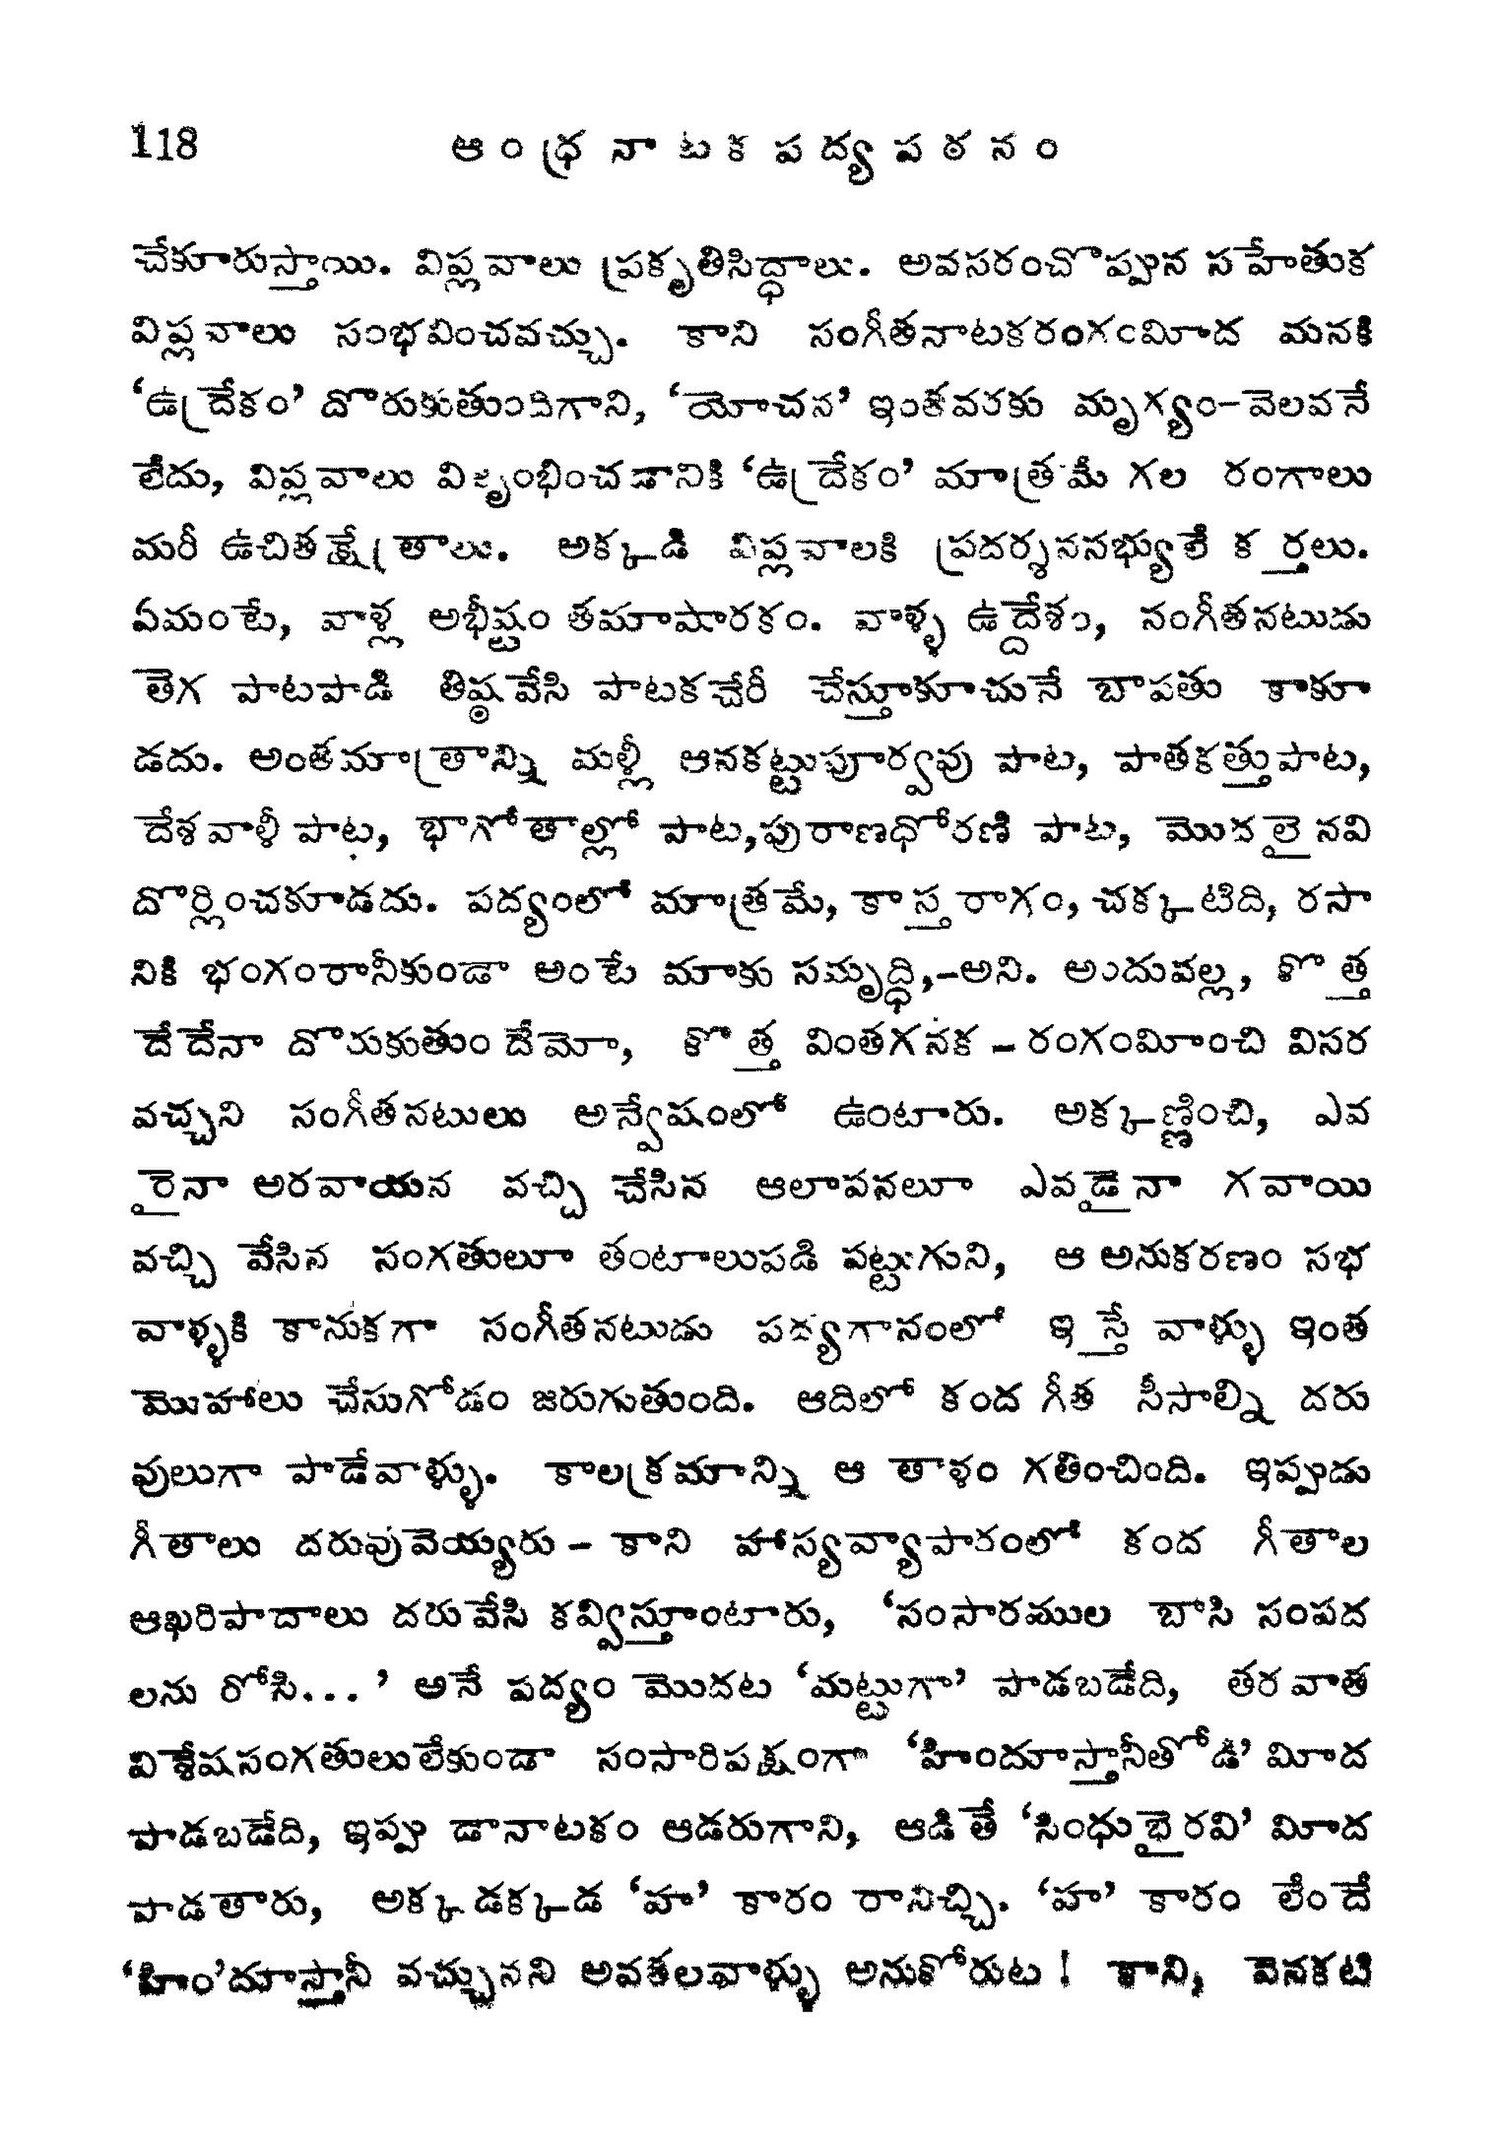చేకూరుస్తాయి. విప్లవాలు ప్రకృతిసిద్ధాలు. అవసరంచొప్పున సహేతుక
విప్లవాలు సంభవించవచ్చు. కాని సంగీతనాటకరంగంమీద మనకి
'ఉద్రేకం' దొరుకుతుందిగాని, 'యోచన' ఇంతవరకు మృగ్యం - వెలవనే
లేదు, విప్లవాలు విజృంభించడానికి 'ఉద్రేకం' మాత్రమే గల రంగాలు
మరీ ఉచితక్షేత్రాలు. అక్కడి విప్లవాలకి ప్రదర్శనసభ్యులే కర్తలు.
ఏమంటే, వాళ్ల అభీష్టం తమాషారకం. వాళ్ళ ఉద్దేశం, సంగీతనటుడు
తెగ పాటపాడి తిష్ఠవేసి పాటకచేరీ చేస్తూకూచునే బాపతు కాకూ
డదు. అంతమాత్రాన్ని మళ్లీ ఆనకట్టుపూర్వపు పాట, పాతకత్తుపాట,
దేశవాళీ పాట, భాగోతాల్లో పాట, పురాణధోరణి పాట, మొదలైనవి
దొర్లించకూడదు. పద్యంలో మాత్రమే, కాస్త రాగం, చక్కటిది, రసా
నికి భంగంరానీకుండా అంటే మాకు సమృద్ధి, - అని. అందువల్ల, కొత్త
దేదేనా దొరుకుతుందేమో, కొత్త వింతగనక - రంగంమీంచి విసర
వచ్చని సంగీతనటులు అన్వేషంలో ఉంటారు. అక్కణ్ణించి, ఎవ
రైనా అరవాయన వచ్చి చేసిన ఆలాపనలూ ఎవడైనా గవాయి
వచ్చి వేసిన సంగతులూ తంటాలుపడి పట్టుగుని, ఆ అనుకరణం సభ
వాళ్ళకి కానుకగా సంగీతనటుడు పద్యగానంలో ఇస్తే వాళ్ళు ఇంత
మొహాలు చేసుగోడం జరుగుతుంది. ఆదిలో కంద గీత సీసాల్ని దరు
వులుగా పాడేవాళ్ళు. కాలక్రమాన్ని ఆ తాళం గతించింది. ఇప్పుడు
గీతాలు దరువువెయ్యరు - కాని హాస్యవ్యాపారంలో కంద గీతాల
ఆఖరిపాదాలు దరువేసి కవ్విస్తూంటారు, 'సంసారముల బాసి సంపద
లను రోసి... ' అనే పద్యం మొదట 'మట్టుగా' పాడబడేది, తరవాత
విశేషసంగతులులేకుండా సంసారిపక్షంగా 'హిందూస్తానీతోడి' మీద
పాడబడేది, ఇప్పు డానాటకం ఆడరుగాని, ఆడితే 'సింధుభైరవి' మీద
పాడతారు, అక్కడక్కడ 'హ' కారం రానిచ్చి, 'హ' కారం లేందే
'హిం'దూస్తానీ వచ్చునని అవతలవాళ్ళు అనుకోరుట! కాని, వెనకటి